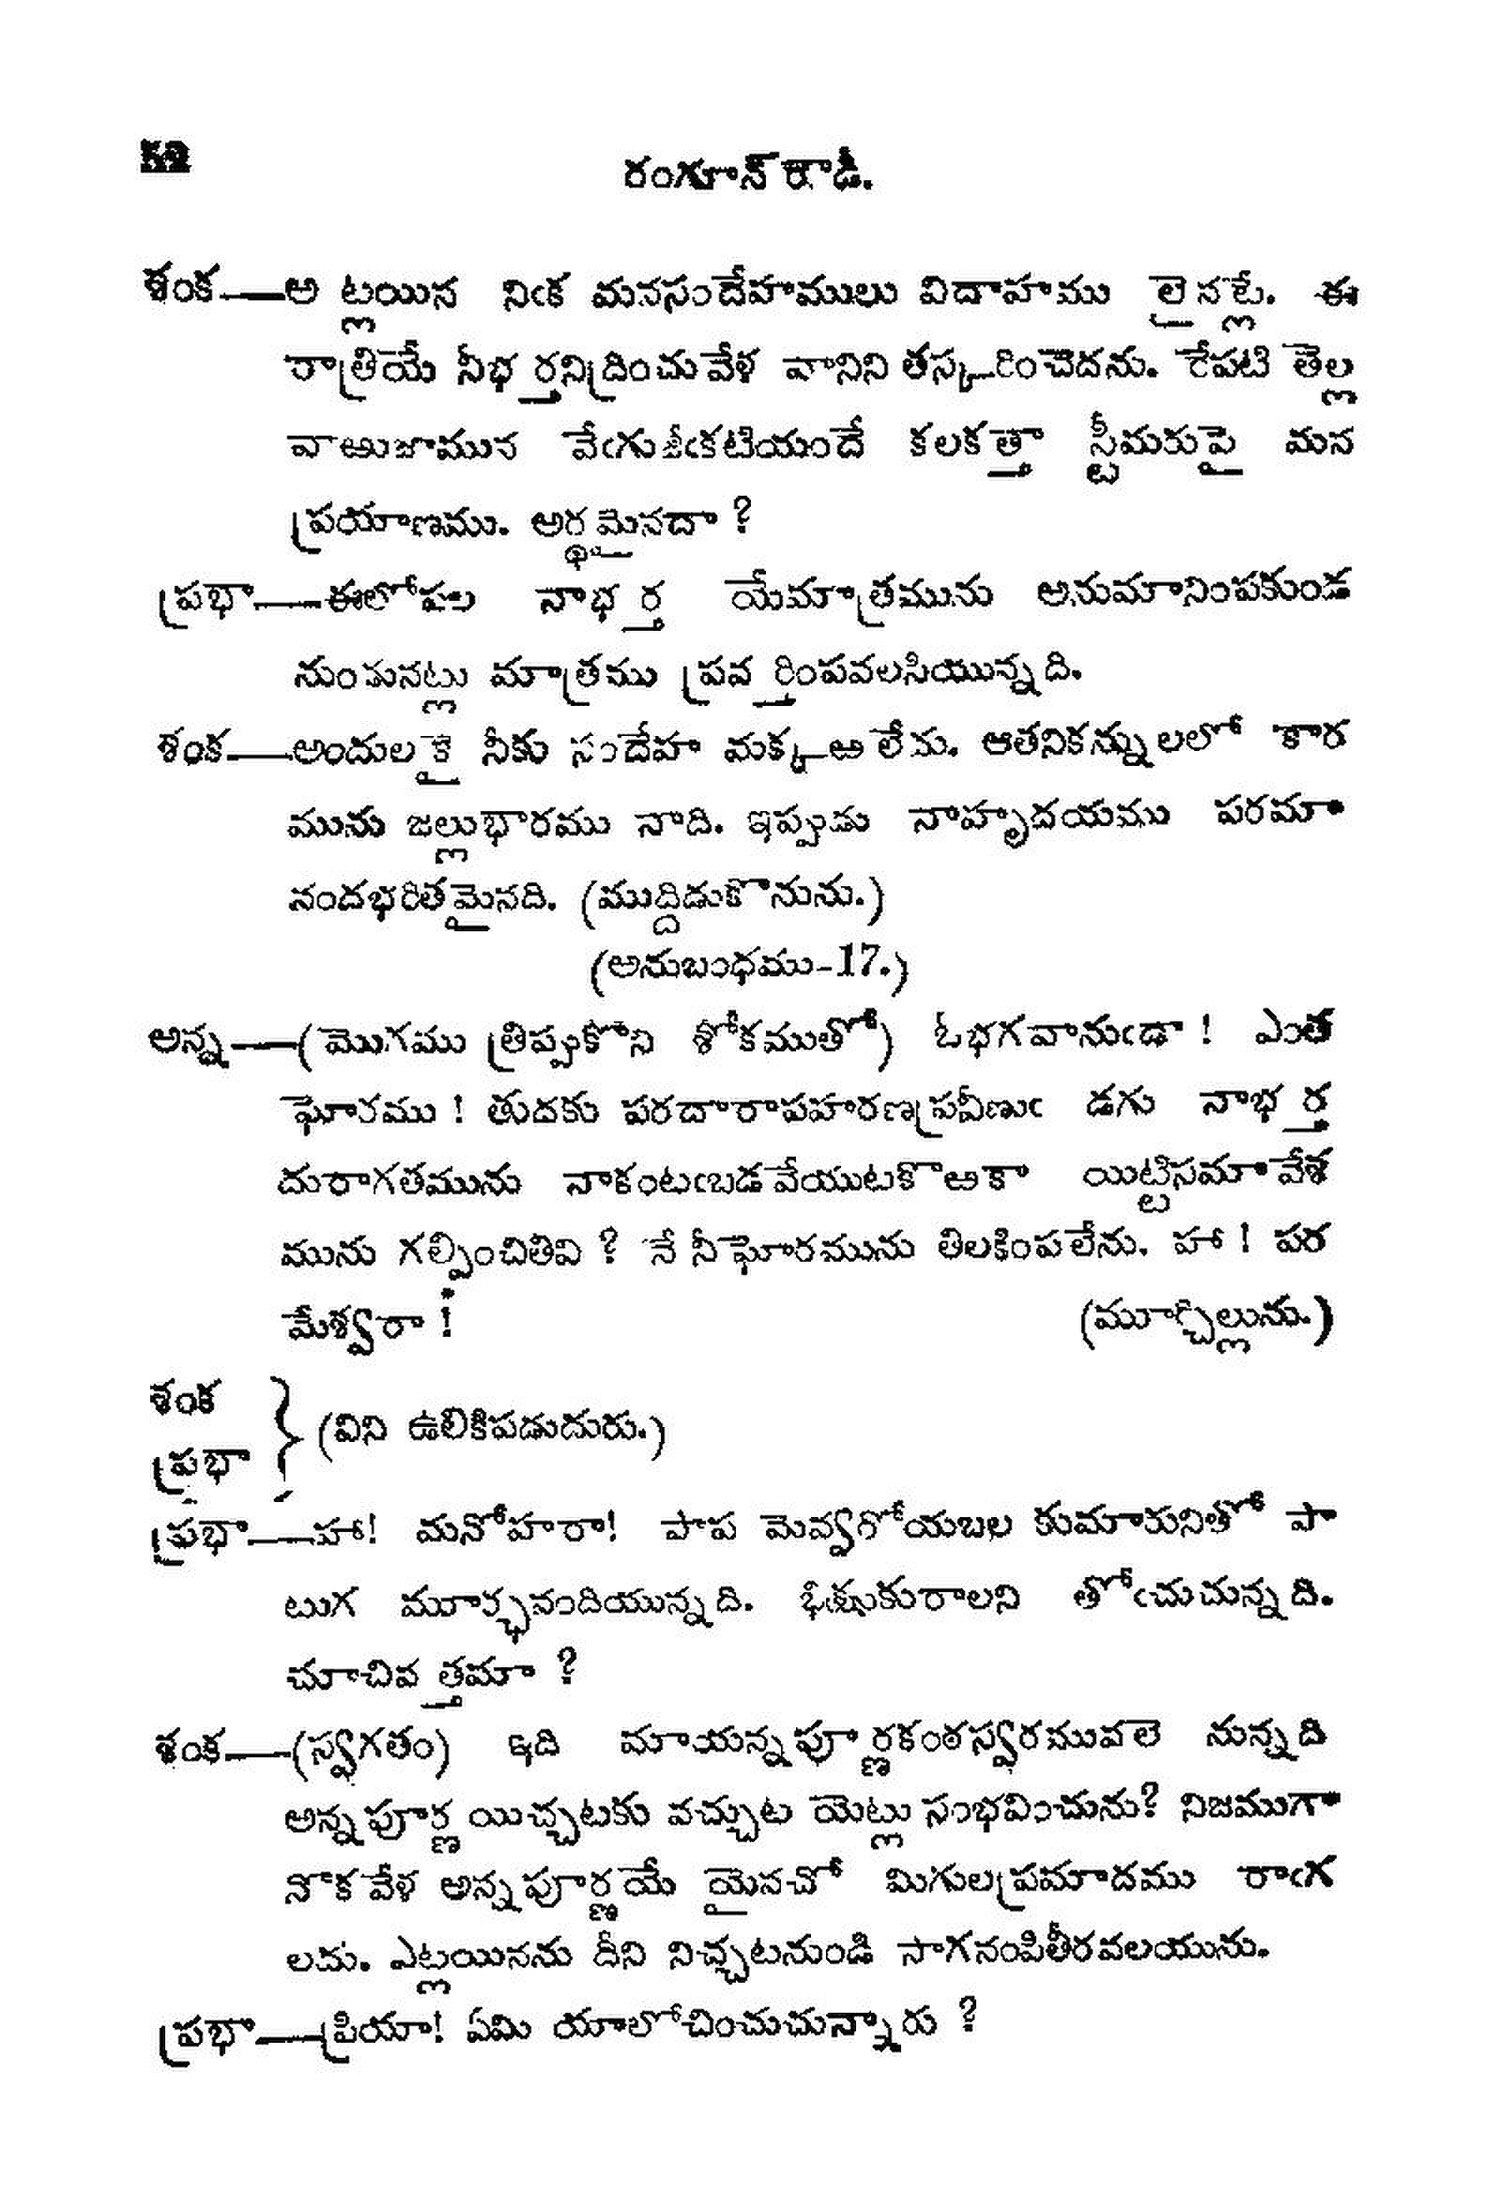శంక - అట్లయిన నిఁక మనసందేహములు విదాహము లైనట్లే. ఈ రాత్రియే నీభర్తనిద్రించువేళ వానిని తస్కరించెదను. రేపటి తెల్లవాఱుజామున వేఁగుజీకటియందే కలకత్తా స్టీమరుపై మన ప్రయాణము. అర్థమైనదా?

ప్రభా - ఈలోపల నాభర్త యేమాత్రమును అనుమానింపకుండనుండునట్లు మాత్రము ప్రవర్తింపవలసియున్నది.

శంక - అందులకై నీకు సందేహ మక్కఱలేదు. ఆతనికన్నులలో కారమును జల్లుభారము నాది. ఇప్పుడు నాహృదయము పరమానందభరితమైనది. (ముద్దిడుకొనును.)

అన్న - (మొగము త్రిప్పుకొని శోకముతో) ఓభగవానుఁడా ! ఎంతఘోరము ! తుదకు పరదారాపహరణ ప్రవీణుఁ డగు నాభర్త దురాగతమును నాకంటఁబడవేయుటకొఱకా యిట్టిసమావేశమును గల్పించితివి ? నే నీఘోరమును తిలకింపలేను, హా! పరమేశ్వరా!

శంక, ప్రభా - (విని ఉలికిపడుదురు.)

ప్రభా - హా! మనోహరా! పాప మెవ్వరోయబల కుమారునితో పాటుగ మూర్ఛనందియున్నది. భిక్షకురాలని తోచుచున్నది. చూచివత్తమా ?

శంక - (స్వగతం) ఇది మాయన్నపూర్ణకంఠస్వరమువలె నున్నది అన్నపూర్ణ యిచ్చటకు వచ్చుట యెట్లు సంభవించును? నిజముగా నొకవేళ అన్నపూర్ణయే యైనచో మిగులప్రమాదము రాఁగలదు. ఎట్లయినను దీని నిచ్చటనుండి సాగనంపితీరవలయును.

ప్రభా -- ప్రియా! ఏమి యాలోచించుచున్నారు ?